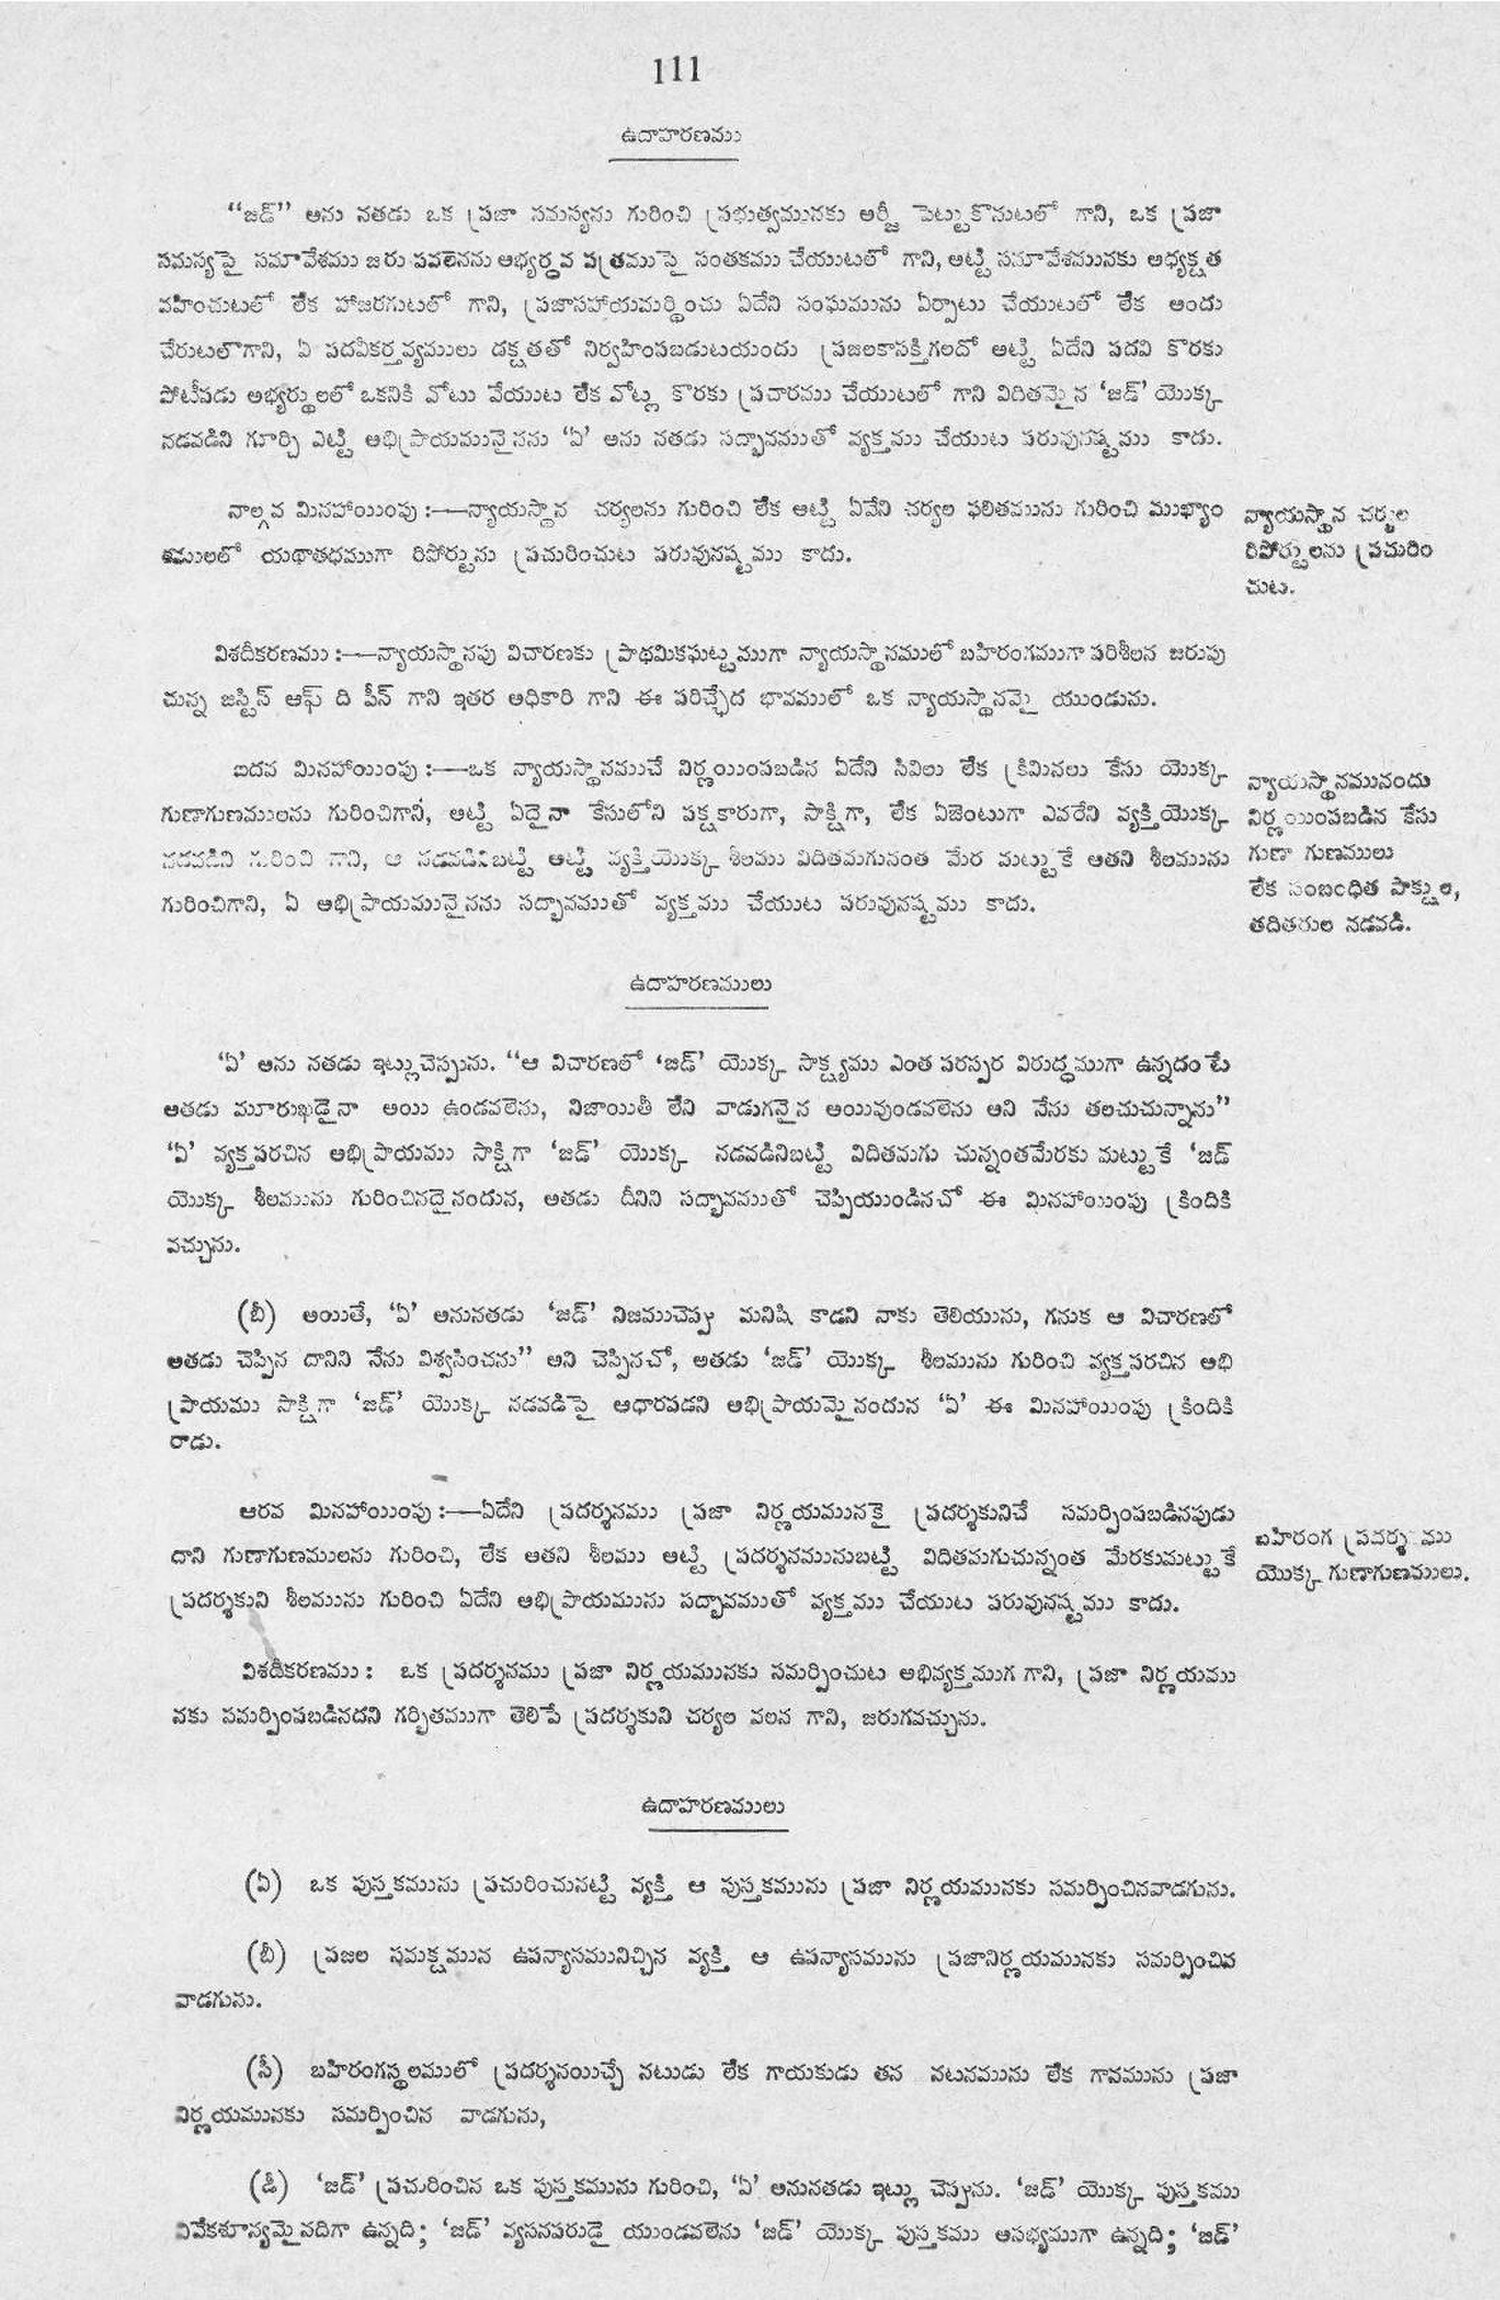“జడ్" అను నతడు ఒక ప్రజా సమస్యను గురించి ప్రభుత్వము నకు అర్జీ పెట్టు కొనుటలో గాని, ఒక ప్రజాసమస్య పై సమావేశము జరు పవలెనను అభ్యర్ధన పత్రము పై సంతకము చేయుటలో గాని, అట్టి సమావేశమునకు అధ్యక్షత వహించుటలో లేక హాజరగుటలో గాని, ప్రజాసహాయమర్ధించు ఏదేని సంఘమును ఏర్పాటు చేయుటలో లేక అందు చేరుటలో గాని, ఏ పదవీకర్త వ్యములు దక్షతతో నిర్వహించబడుటయందు ప్రజలకాసక్తి గలదో అట్టి ఏదేని పదవి కొరకు పోటీపడు అభ్యర్థులలో ఒకనికి వోటు వేయుట లేక వోట్ల కొరకు ప్రచారము చేయుటలో గాని విధితమైన 'జడ్' యొక్క నడవడిని గూర్చి ఎట్టి అభిప్రాయమునై నను 'ఏ' అను నతడు సద్భావముతో వ్యక్తము చేయుట పరువునష్టము కాదు.

న్యాయస్థాన చర్చల రిపోర్టులను ప్రచురించుట.

నాల్గవ మినహాయింపు :--న్యాయస్థాన చర్యలను గురించి లేక అట్టి ఏవేని చర్యల ఫలితమును గురించి ముఖ్యాంశములలో యథాతధముగా రిపోర్టును ప్రచురించుట పరువునష్టము కాదు.

విశదీకరణము :-- న్యాయస్థానపు విచారణకు ప్రాథమిక ఘట్టముగా న్యాయస్థానములో బహిరంగముగా పరిశీలన జరుపుచున్న జస్టిస్ ఆఫ్ ది పీస్ గాని ఇతర అధికారి గాని ఈ పరిచ్ఛేద భావములో ఒక న్యాయస్థానమై యుండును.

న్యాయస్థానమునందు నిర్ణయింపబడిన కేసు గుణా గుణములు లేక సంబంధిత సాక్షుల, తదితరుల నడవడి.

ఐదవ మినహాయింపు :-- ఒక న్యాయస్థానముచే నిర్ణయింపబడిన ఏదేని సివిలు లేక క్రిమినలు కేసు యొక్క గుణగుణములను గురించిగాని, అట్టి ఏదైనా కేసులోని పక్ష కారుగా, సాక్షిగా, లేక ఏజెంటుగా ఎవరేని వ్యక్తి యొక్క నడవడిని గురించి గాని, ఆ నడవడిని బట్టి అట్టి వ్యక్తి యొక్క శీలము విదితమగునంత మేర మట్టుకే ఆతని శీలమును గురించిగాని, ఏ అభిప్రాయమునై నను సద్భావముతో వ్యక్తము చేయుట పరువునష్టము కాదు.

'ఏ' అను నతడు ఇట్లు చెప్పను. “ఆ విచారణలో 'జడ్' యొక్క సాక్ష్యము ఎంత పరస్పర విరుద్ధముగా ఉన్నదంటే ఆతడు మూర్కుడైనా అయి ఉండవలెను, నిజాయితీ లేని వాడుగనైన ఆయివుండవలెను అని నేను తలచుచున్నాను" 'ఏ' వ్యక్త పరచిన అభిప్రాయము సాక్షిగా 'జడ్' యొక్క నడవడినిబట్టి విదితమగు చున్నంత మేరకు మట్టుకే 'జడ్' యొక్క శీలమును గురించినదై నందున, అతడు దీనిని సద్భావముతో చెప్పియుండినచో ఈ మినహాంంపు క్రిందికి వచ్చును.

(బీ) అయితే, 'ఏ' అనునతడు 'జడ్' నిజము చెప్పు మనిషి కాడని నాకు తెలియును, గనుక ఆ విచారణలో అతడు చెప్పిన దానిని నేను విశ్వసించను" అని చెప్పినచో, అతడు 'జడ్' యొక్క శీలమును గురించి వ్యక్త పరచిన అభిప్రాయము సాక్షిగా 'జడ్' యొక్క నడవడి పై ఆధారపడని అభిప్రాయమై నందున ఏ' ఈ మినహాయింపు క్రిందికి రాడు.

బహిరంగ ప్రదర్శము యొక్క గుణాగుణములు,

ఆరవ మినహాయింపు : ఏదేని ప్రదర్శనము ప్రజా నిర్ణయమునకై ప్రదర్శకునిచే సమర్పింపబడినపుడు దాని గుణగుణములను గురించి, లేక ఆతని శీలము అట్టి ప్రదర్శనమునుబట్టి విదితమగుచున్నంత మేరకుమట్టుకే ప్రదర్శకుని శీలమును గురించి ఏదేని అభిప్రాయమును సద్భావముతో వ్యక్తము చేయుట పరువునష్టము కాదు.

విశదీకరణము : ఒక ప్రదర్శనము ప్రజా నిర్ణయమునకు సమర్పించుట అభివ్యక్తముగ గాని, ప్రజా నిర్ణయమునకు సమర్పింపబడినదని గర్భితముగా తెలిపే ప్రదర్శకుని చర్యల వలన గాని, జరుగవచ్చును.

(ఏ) ఒక పుస్తకమును ప్రచురించునట్టి వ్యక్తి ఆ పుస్తకమును ప్రజా నిర్ణయమునకు సమర్పించిన వాడగును.

(బి) ప్రజల సమక్షమున ఉపన్యాసమునిచ్చిన వ్యక్తి ఆ ఉపన్యాసమును ప్రజానిర్ణయమునకు సమర్పించిన వాడగును.

(సీ) బహిరంగస్థలములో ప్రదర్శనయిచ్చే నటుడు లేక గాయకుడు తన నటనమును లేక గానమును ప్రజానిర్ణయమునకు సమర్పించిన వాడగును,

(డీ) 'జడ్' ప్రచురించిన ఒక పుస్తకమును గురించి, 'ఏ' అనునతడు ఇట్లు చెప్పును. 'జడ్' యొక్క పుస్తకము వివేకశూన్యమై నదిగా ఉన్నది; 'జడ్' వ్యసనపరుడై యుండవలెను 'జడ్' యొక్క పుస్తకము ఆసభ్యముగా ఉన్నది; 'జడ్'